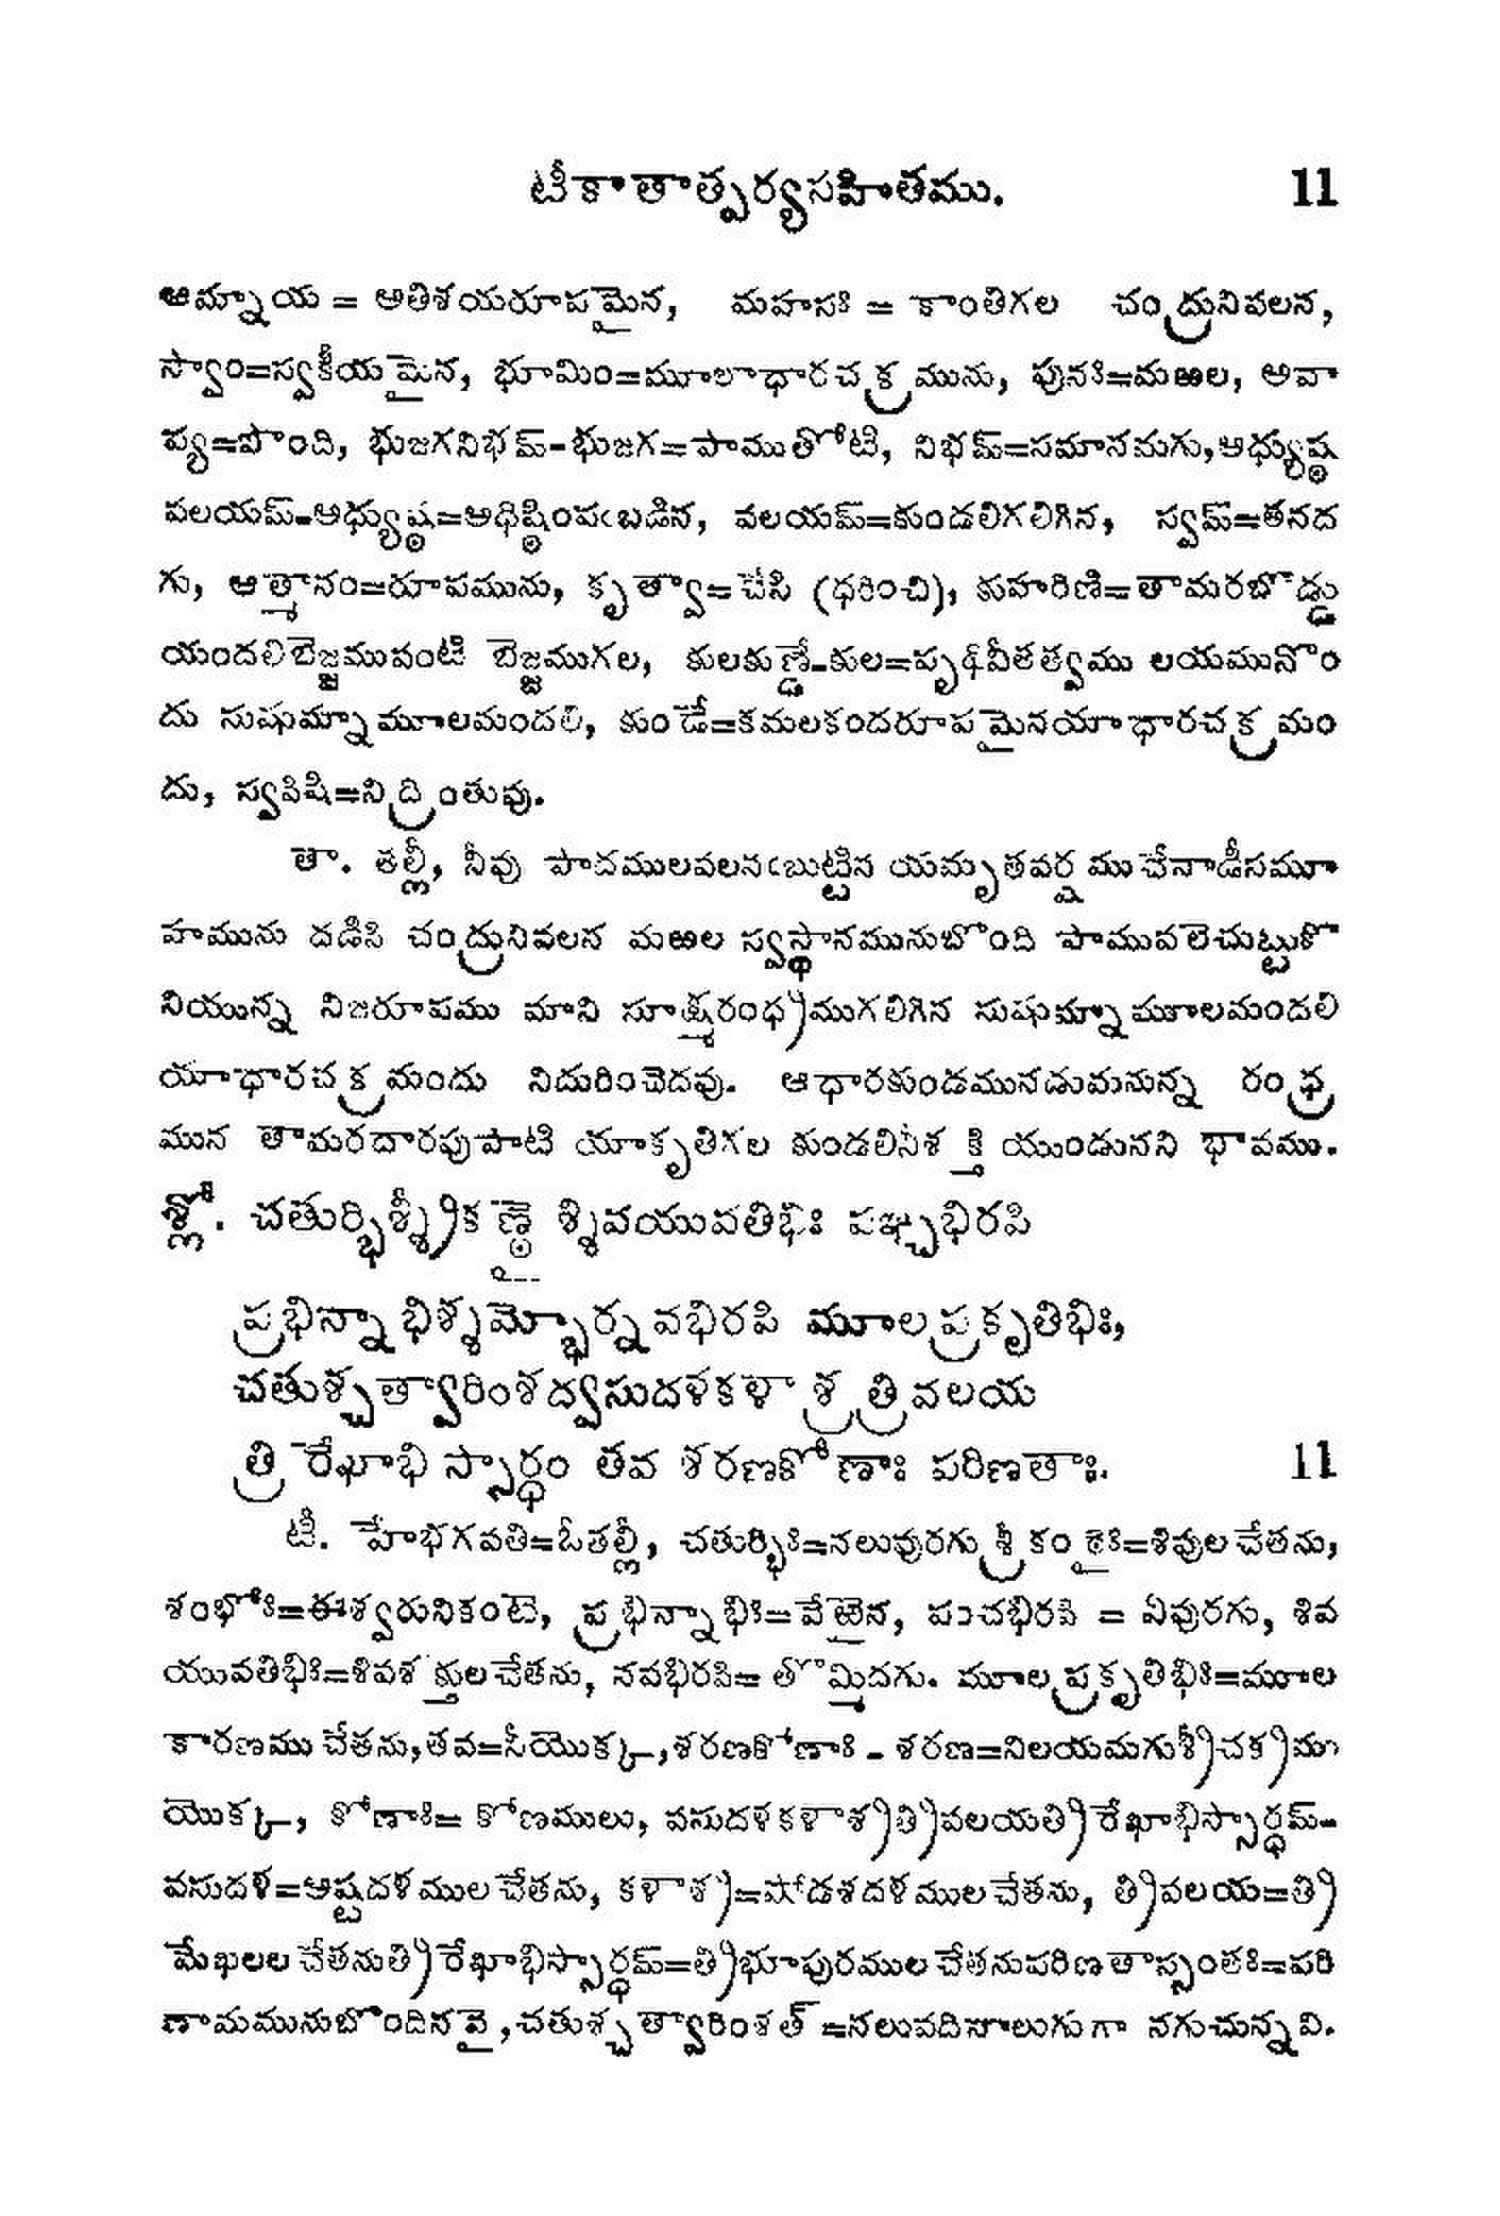ఆమ్నాయ = అతిశయరూపమైన, మహసః = కాంతిగల చంద్రునివలన, స్వాం = స్వకీయమైన, భూమిం = మూలాధారచక్రమును, పునః = మఱల, అవాప్య = పొంది, భుజగనిభమ్-భుజగ = పాముతోటి, నిభమ్ = సమానమగు, అధ్యుష్ఠవలయమ్-అధ్యుష్ఠ = అధిష్ఠింపఁబడిన, వలయమ్ = కుండలిగలిగిన, స్వమ్ = తనదగు, ఆత్మానం = రూపమును, కృత్వా = చేసి (ధరించి), కుహరిణి = తామరబొడ్డుయందలిబెజ్జమువంటి బెజ్జముగల, కులకుణ్దే-కుల = పృథివీతత్వము లయమునొందు సుషుమ్నామూలమందలి, కుండే = కమలకందరూపమైనయాధారచక్రమందు, స్వపిషి = నిద్రింతువు.

తా. తల్లీ, నీవు పాదములవలనఁబుట్టిన యమృతవర్షముచే నాడీసమూహమును దడిపి చంద్రునివలన మఱల స్వస్థానమునుబొంది పామువలెచుట్టుకొనియున్న నిజరూపము మాని సూక్ష్మరంధ్రముగలిగిన సుషుమ్నామూలమందలి యాధారచక్రమందు నిదురించెదవు. ఆధారకుండమునడుమనున్న రంధ్రమున తామరదారపుపాటి యాకృతిగల కుండలినీశక్తి యుండునని భావము.

శ్లో. చతుర్భిశ్శ్రీకణ్ఠై శ్శివయువతిభిః పఞ్చభిరపి
 ప్రభిన్నాభిశ్శమ్భోర్నవభిరపి మూలప్రకృతిభిః,
 చతుశ్చత్వారింశద్వసుదళకళాశ్రత్రివలయ
 త్రిరేఖాభిస్సార్ధం తవ శరణకోణాః పరిణతాః. 11
టీ. హేభగవతి = ఓతల్లీ, చతుర్భిః = నలువురగు శ్రీకంఠైః = శివునిచేతను, శంభోః = ఈశ్వరునికంటె, ప్రభిన్నాభిః = వేఱైన, పంచభిరపి = ఏవురగు, శివయువతిభిః = శివశక్తులచేతను, నవభిరపి = తొమ్మిదగు, మూలప్రకృతిభిః = మూలకారణముచేతను, తవ = నీయొక్క, శరణకోణాః-శరణ = నిలయమగుశ్రీచక్రముయొక్క, కోణాః = కోణములు, వసుదళకళాశ్రత్రివలయత్రిరేఖాభిస్సార్థమ్ - వసుదళ = అష్టదళములచేతను, కళాశ్ర = షోడశదళములచేతను, త్రివలయ = త్రిమేఖలలచేతను, త్రిరేఖాభిస్సార్థమ్ = త్రిభూపురములచేతను, పరిణతాస్సంతః = పరిణామమునుబొందినవై, చతుశ్చత్వారింశత్ = నలువదినాలుగుగా నగుచున్నవి.